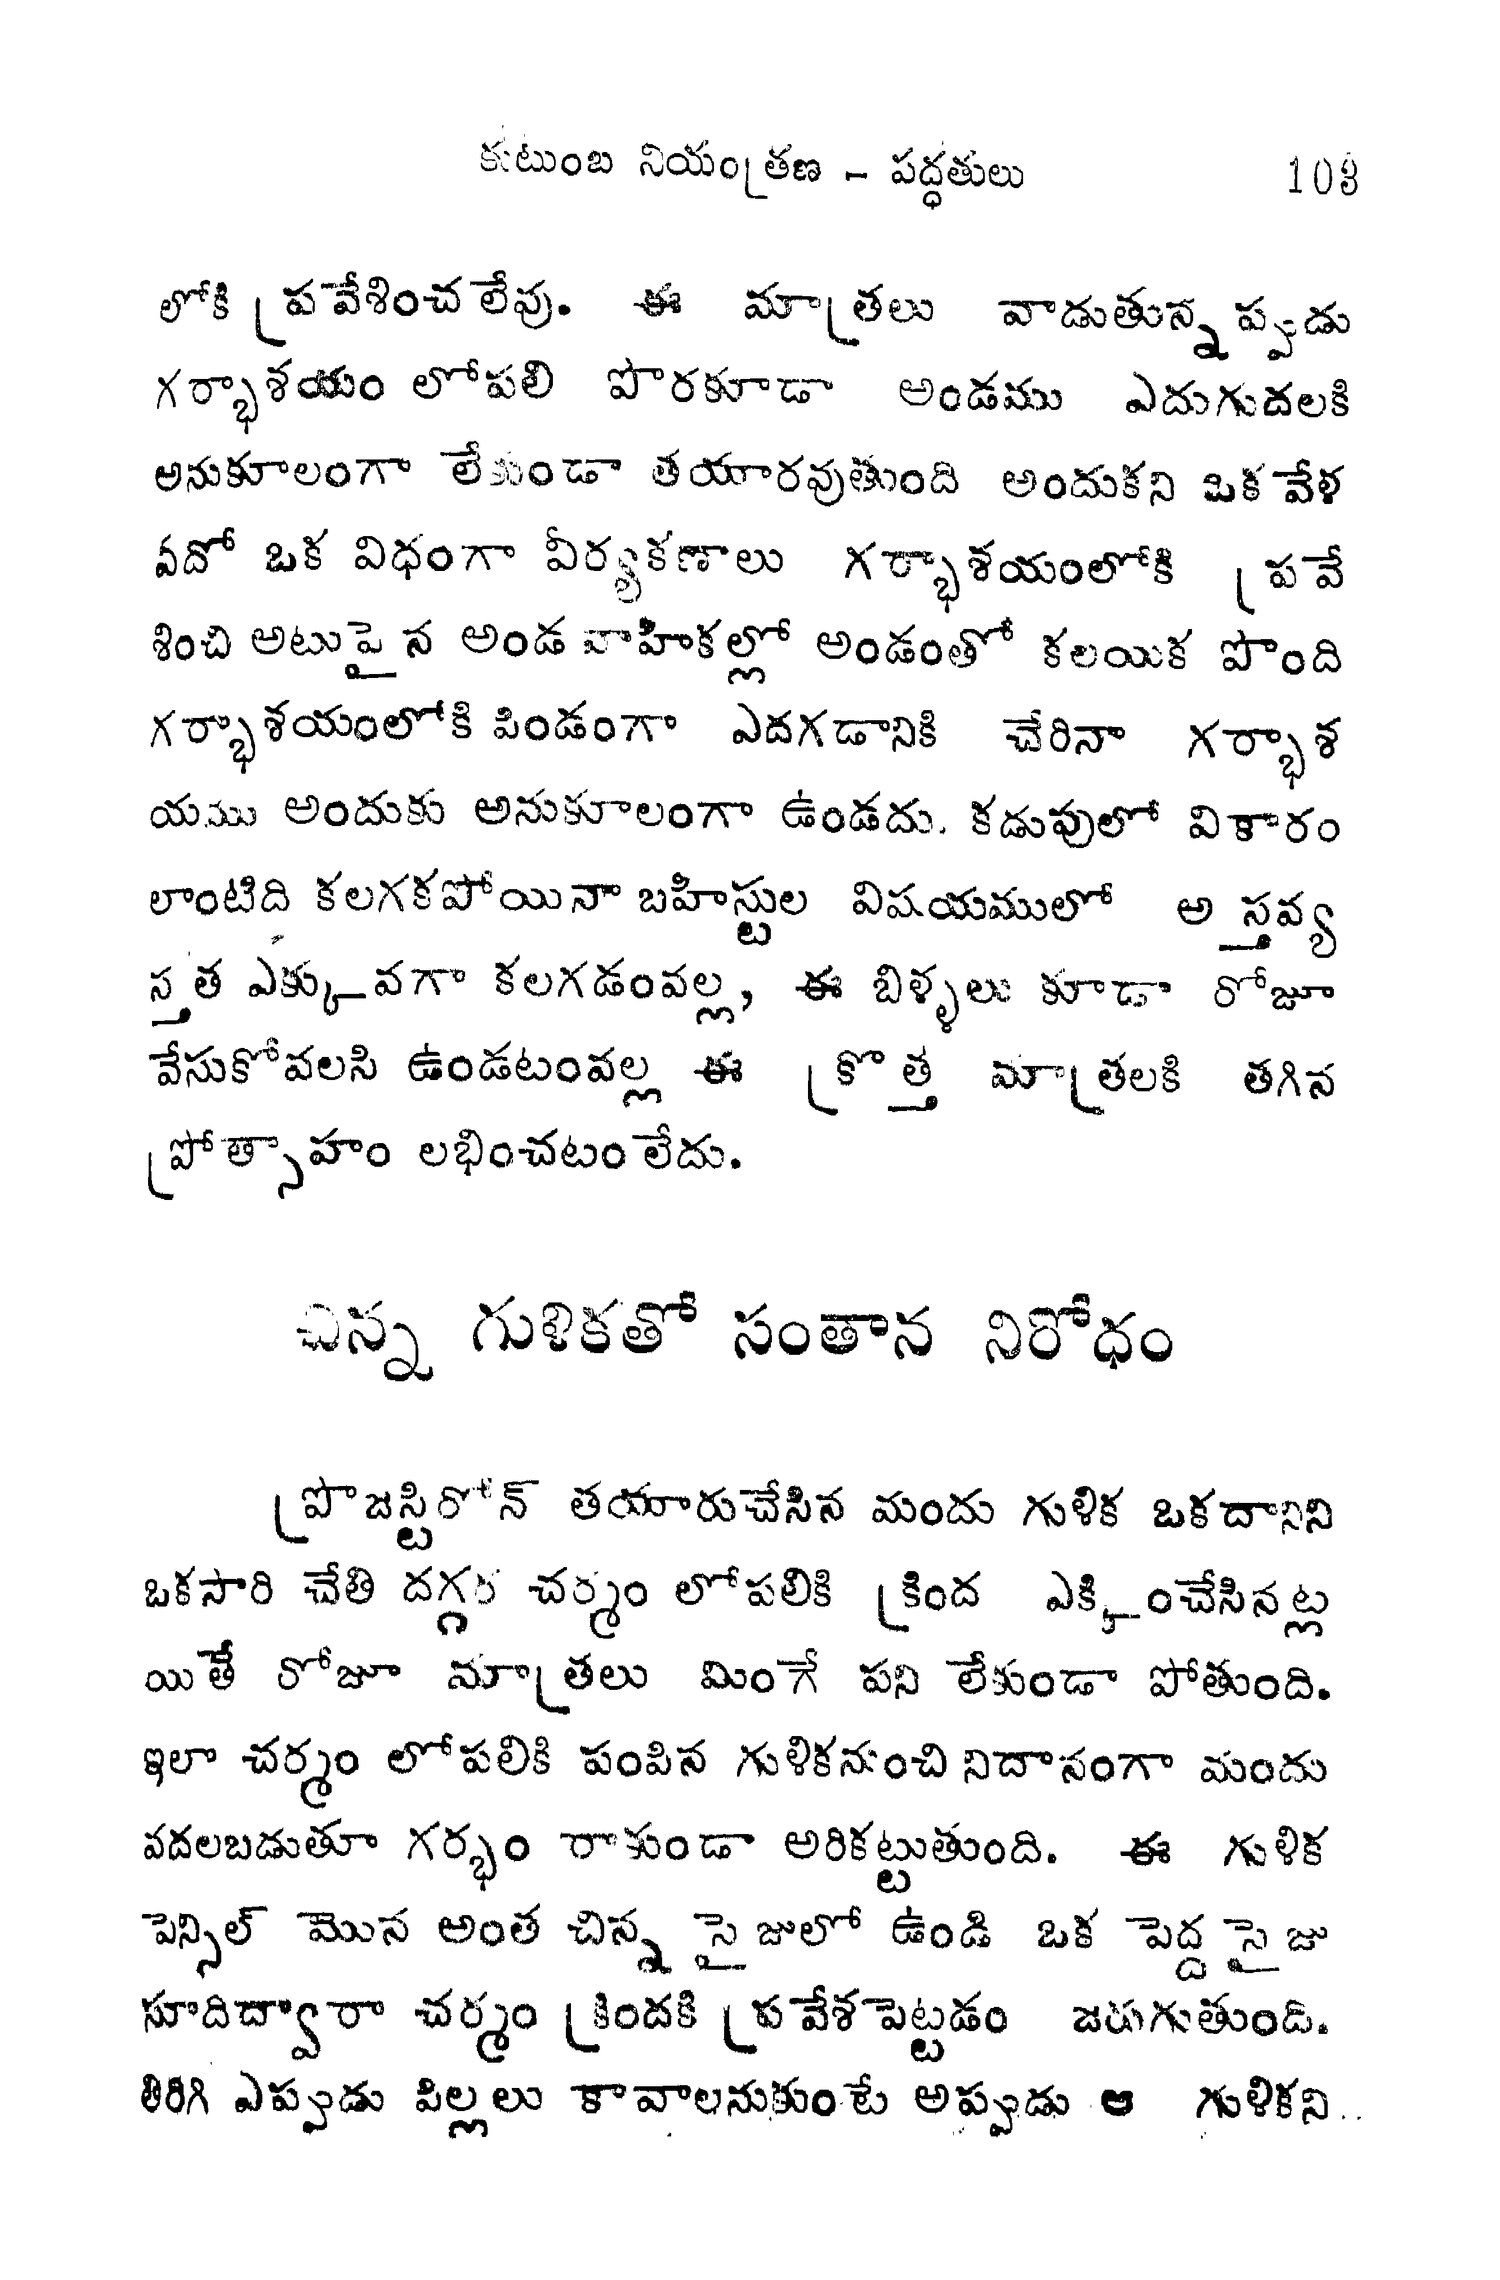లోకి ప్రవేశించలేవు. ఈ మాత్రలు వాడుతున్నప్పుడు గర్భాశయం లోపలి పొరకూడా అండము ఎదుగుదలకి అనుకూలంగా లేకుండా తయారవుతుంది. అందుకని ఒక వేళ ఏదో ఒక విధంగా వీర్యకణాలు గర్భాశయంలోకి ప్రవేశించి అటుపై న అండవాహికల్లో అండంతో కలయిక పొంది గర్బాశయంలోకి పిండంగా ఎదగడానికి చేరినా గర్భాశాయము అందుకు అనుకూలంగా ఉండదు. కడుపులో వికారం లాంటిది కలగకపోయినా బహిస్టుల విషయములో అస్తవ్యస్తత ఎక్కువగా కలగడంవల్ల, ఈ బిళ్లలు కూడా రోజూ వేసుకోవలసి ఉండటంవల్ల ఈ క్రొత్త మాత్రలకి తగిన ప్రోత్సాహం లభించటం లేదు.

ప్రొజస్టిరోన్ తయారుచేసిన మందు గుళిక ఒకదానిని ఒకసారి చేతి దగ్గర చర్మం లోపలికి ఎక్కించేసినట్లయితే రోజూ మాత్రలు మింగే పని లెకుండా పోతుంది. ఇలా చర్మం లోపలికి పంపిన గుళికనుంచి నిదానంగా మందు వదలబడుతూ గర్బం రాకుండా అరికట్టుతుంది. ఈ గుళిక పెన్సిల్ మొన అంత చిన్న సైజులో ఉండి ఒక పెద్ద సైజు సూదిద్వారా చర్మం క్రిందకి ప్రవేశపెట్టడం జరుగుతుంది. తిరిగి ఎప్పుడు పిల్లలు కావాలనుకుంటే అప్పుడు ఆ గుళికని